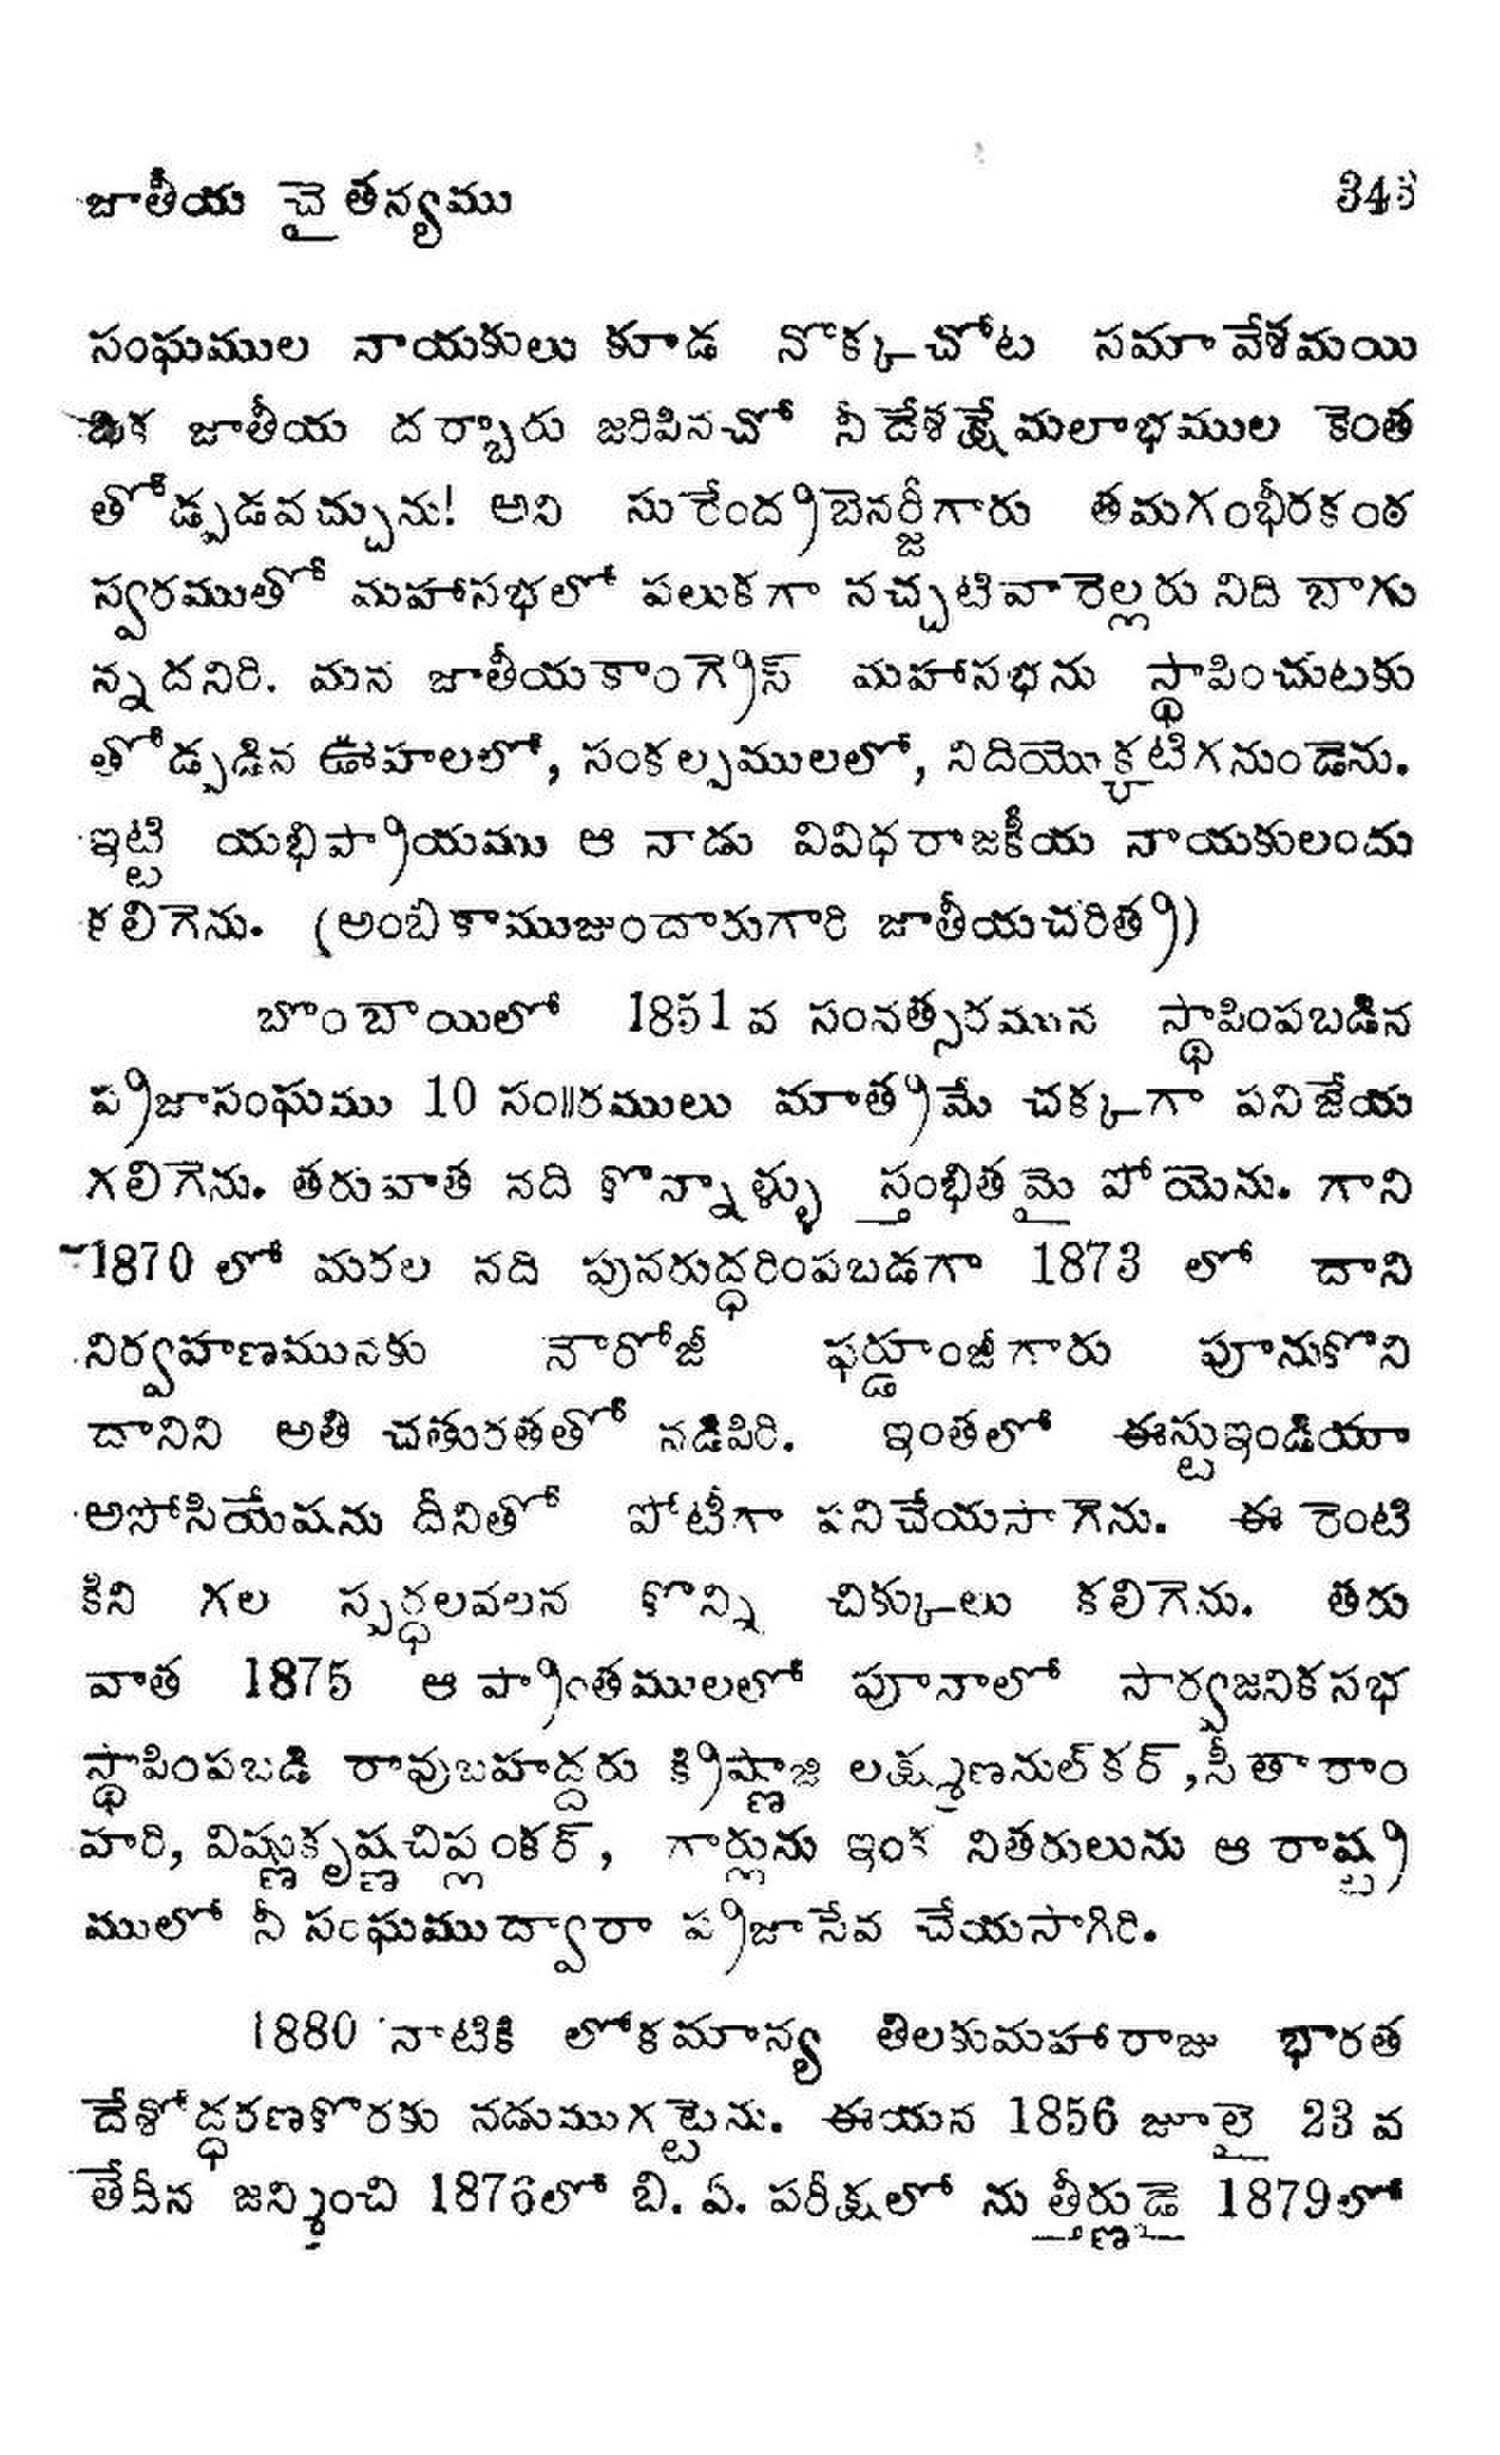సంఘముల నాయకులు కూడ నొక్కచోట సమావేశమయి ఒక జాతీయ దర్బారు జరిపినచో నీదేశక్షేమలాభముల కెంత తోడ్పడవచ్చును! అని సురేంద్రబెనర్జీగారు తమగంభీరకంఠస్వరముతో మహాసభలో పలుకగా నచ్చటివారెల్లరు నిది బాగున్నదనిరి. మన జాతీయకాంగ్రెస్ మహాసభను స్థాపించుటకు తోడ్పడిన ఊహలలో, సంకల్పములలో, నిదియొకటిగ నుండెను. ఇట్టి యభిప్రాయము ఆ నాడు వివిధరాజకీయ నాయకులందు కలిగెను. (అంబికాముజుందారుగారి జాతీయచరిత్ర )

బొంబాయిలో 1851 వ సంవత్సరమున స్థాపింపబడిన ప్రజాసంఘము 10 సం||రములు మాత్రేమే చక్కగా పనిజేయ గలిగెను. తరువాత నది కొన్నాళ్ళు స్తంభితమై పోయెను. గాని 1870 లో మరల నది పునరుద్దరింపబడగా 1873 లో దాని నిర్వహణమునకు నౌరోజీ ఫర్డూంజీగారు పూనుకొని దానిని అతి చతురతతో నడిపిరి. ఇంతలో ఈస్టుఇండియా అసోసియేషను దీనితో పోటీగా పనిచేయసాగెను. ఈ రెంటికిని గల స్పర్దలవలన కొన్ని చిక్కులు కలిగెను. తరువాత 1875 ఆ ప్రాంతములలో పూనాలో సార్వజనికసభ స్థాపింపబడి రావుబహద్దరు క్రిష్ణాజి లక్ష్మణనుల్‌కర్ , సీతారాం హరి, విష్ణుకృష్ణచిప్లంకర్, గార్లును ఇంక నితరులును ఆ రాష్ట్రములో నీ సంఘముద్వారా ప్రజాసేవ చేయసాగిరి. 

1880 నాటికి లోకమాన్య తిలకుమహారాజు భారత దేశోద్ధరణకొరకు నడుముగట్టెను. ఈయన 1856 జూలై 23 వ తేదీన జన్మించి 1876లో బి.ఏ. పరీక్షలో నుత్తీర్ణుడై 1879లో